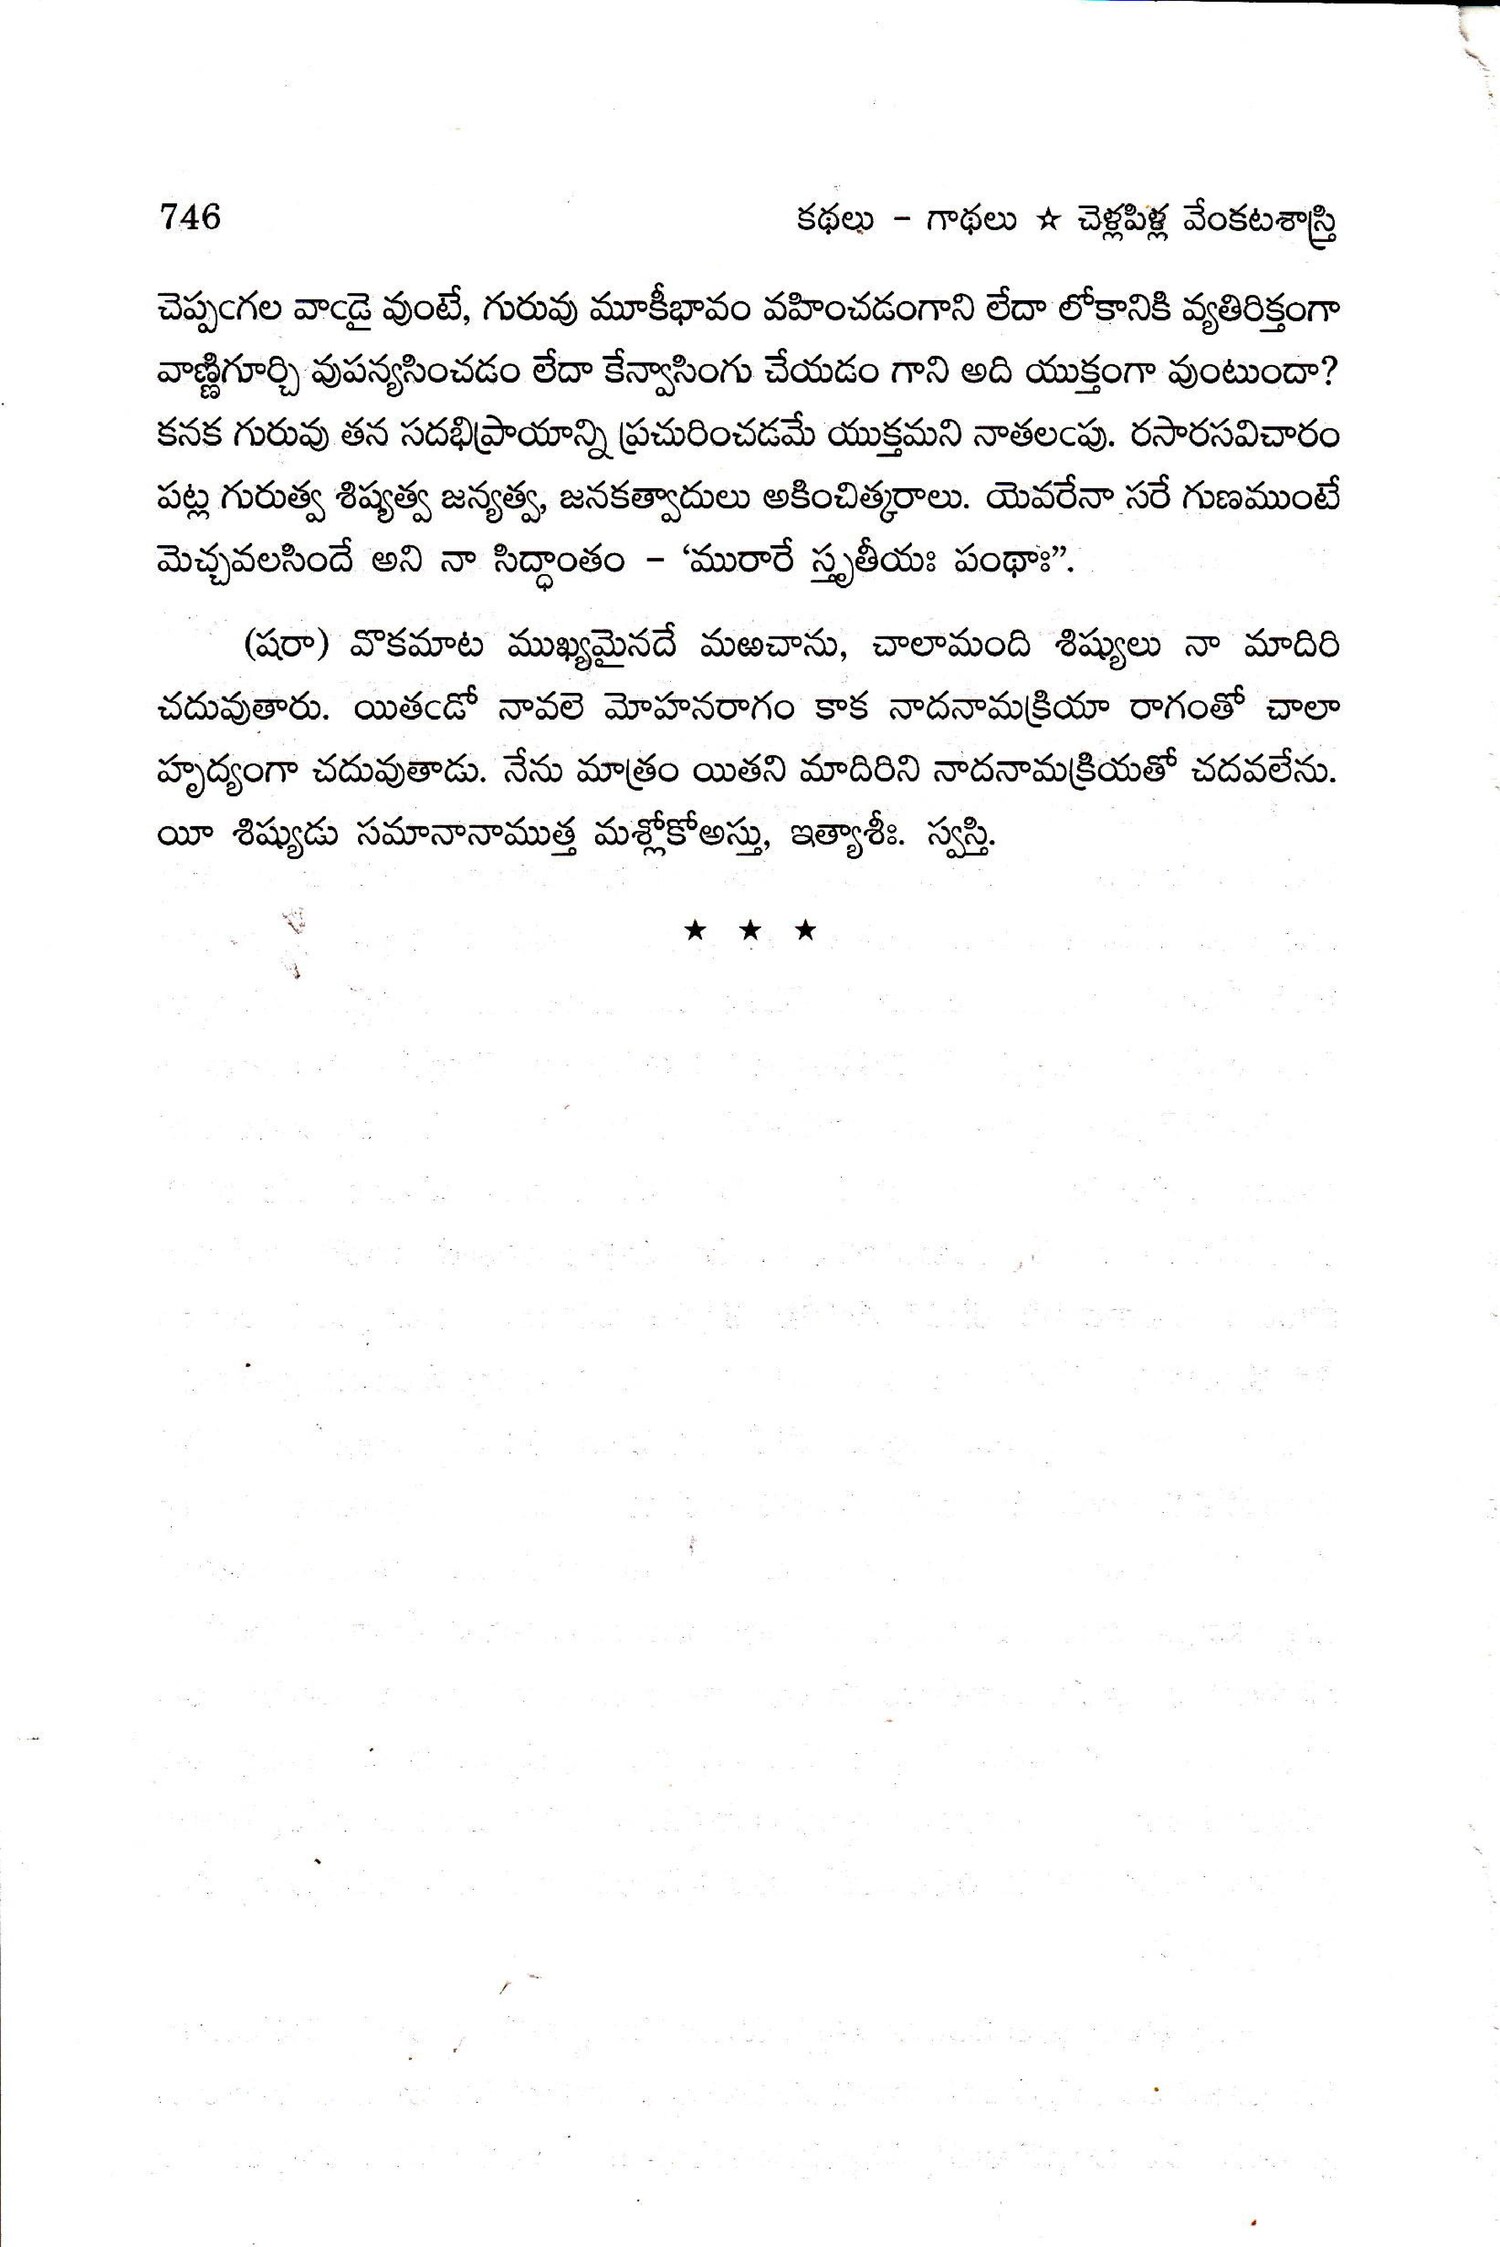చెప్పఁగల వాఁడై వుంటే, గురువు మూకీభావం వహించడంగాని లేదా లోకానికి వ్యతిరిక్తంగా వాణ్ణిగూర్చి వుపన్యసించడం లేదా కేన్వాసింగు చేయడం గాని అది యుక్తంగా వుంటుందా? కనక గురువు తన సదభిప్రాయాన్ని ప్రచురించడమే యుక్తమని నాతలఁపు. రసారసవిచారం పట్ల గురుత్వ శిష్యత్వ జన్యత్వ, జనకత్వాదులు అకించిత్కరాలు. యెవరేనా సరే గుణముంటే మెచ్చవలసిందే అని నా సిద్ధాంతం - "మురారే స్తృతీయః పంధాః".

(షరా) వొకమాట ముఖ్యమైనదే మఱచాను, చాలామంది శిష్యులు నా మాదిరి చదువుతారు. యితఁడో నావలె మోహనరాగం కాక నాదనామక్రియా రాగంతో చాలా హృద్యంగా చదువుతాడు. నేను మాత్రం యితని మాదిరిని నాదనామక్రియతో చదవలేను. యీ శిష్యుడు సమానానాముత్త మశ్లోకోఅస్తు, ఇత్యాశీః, స్వస్తి.